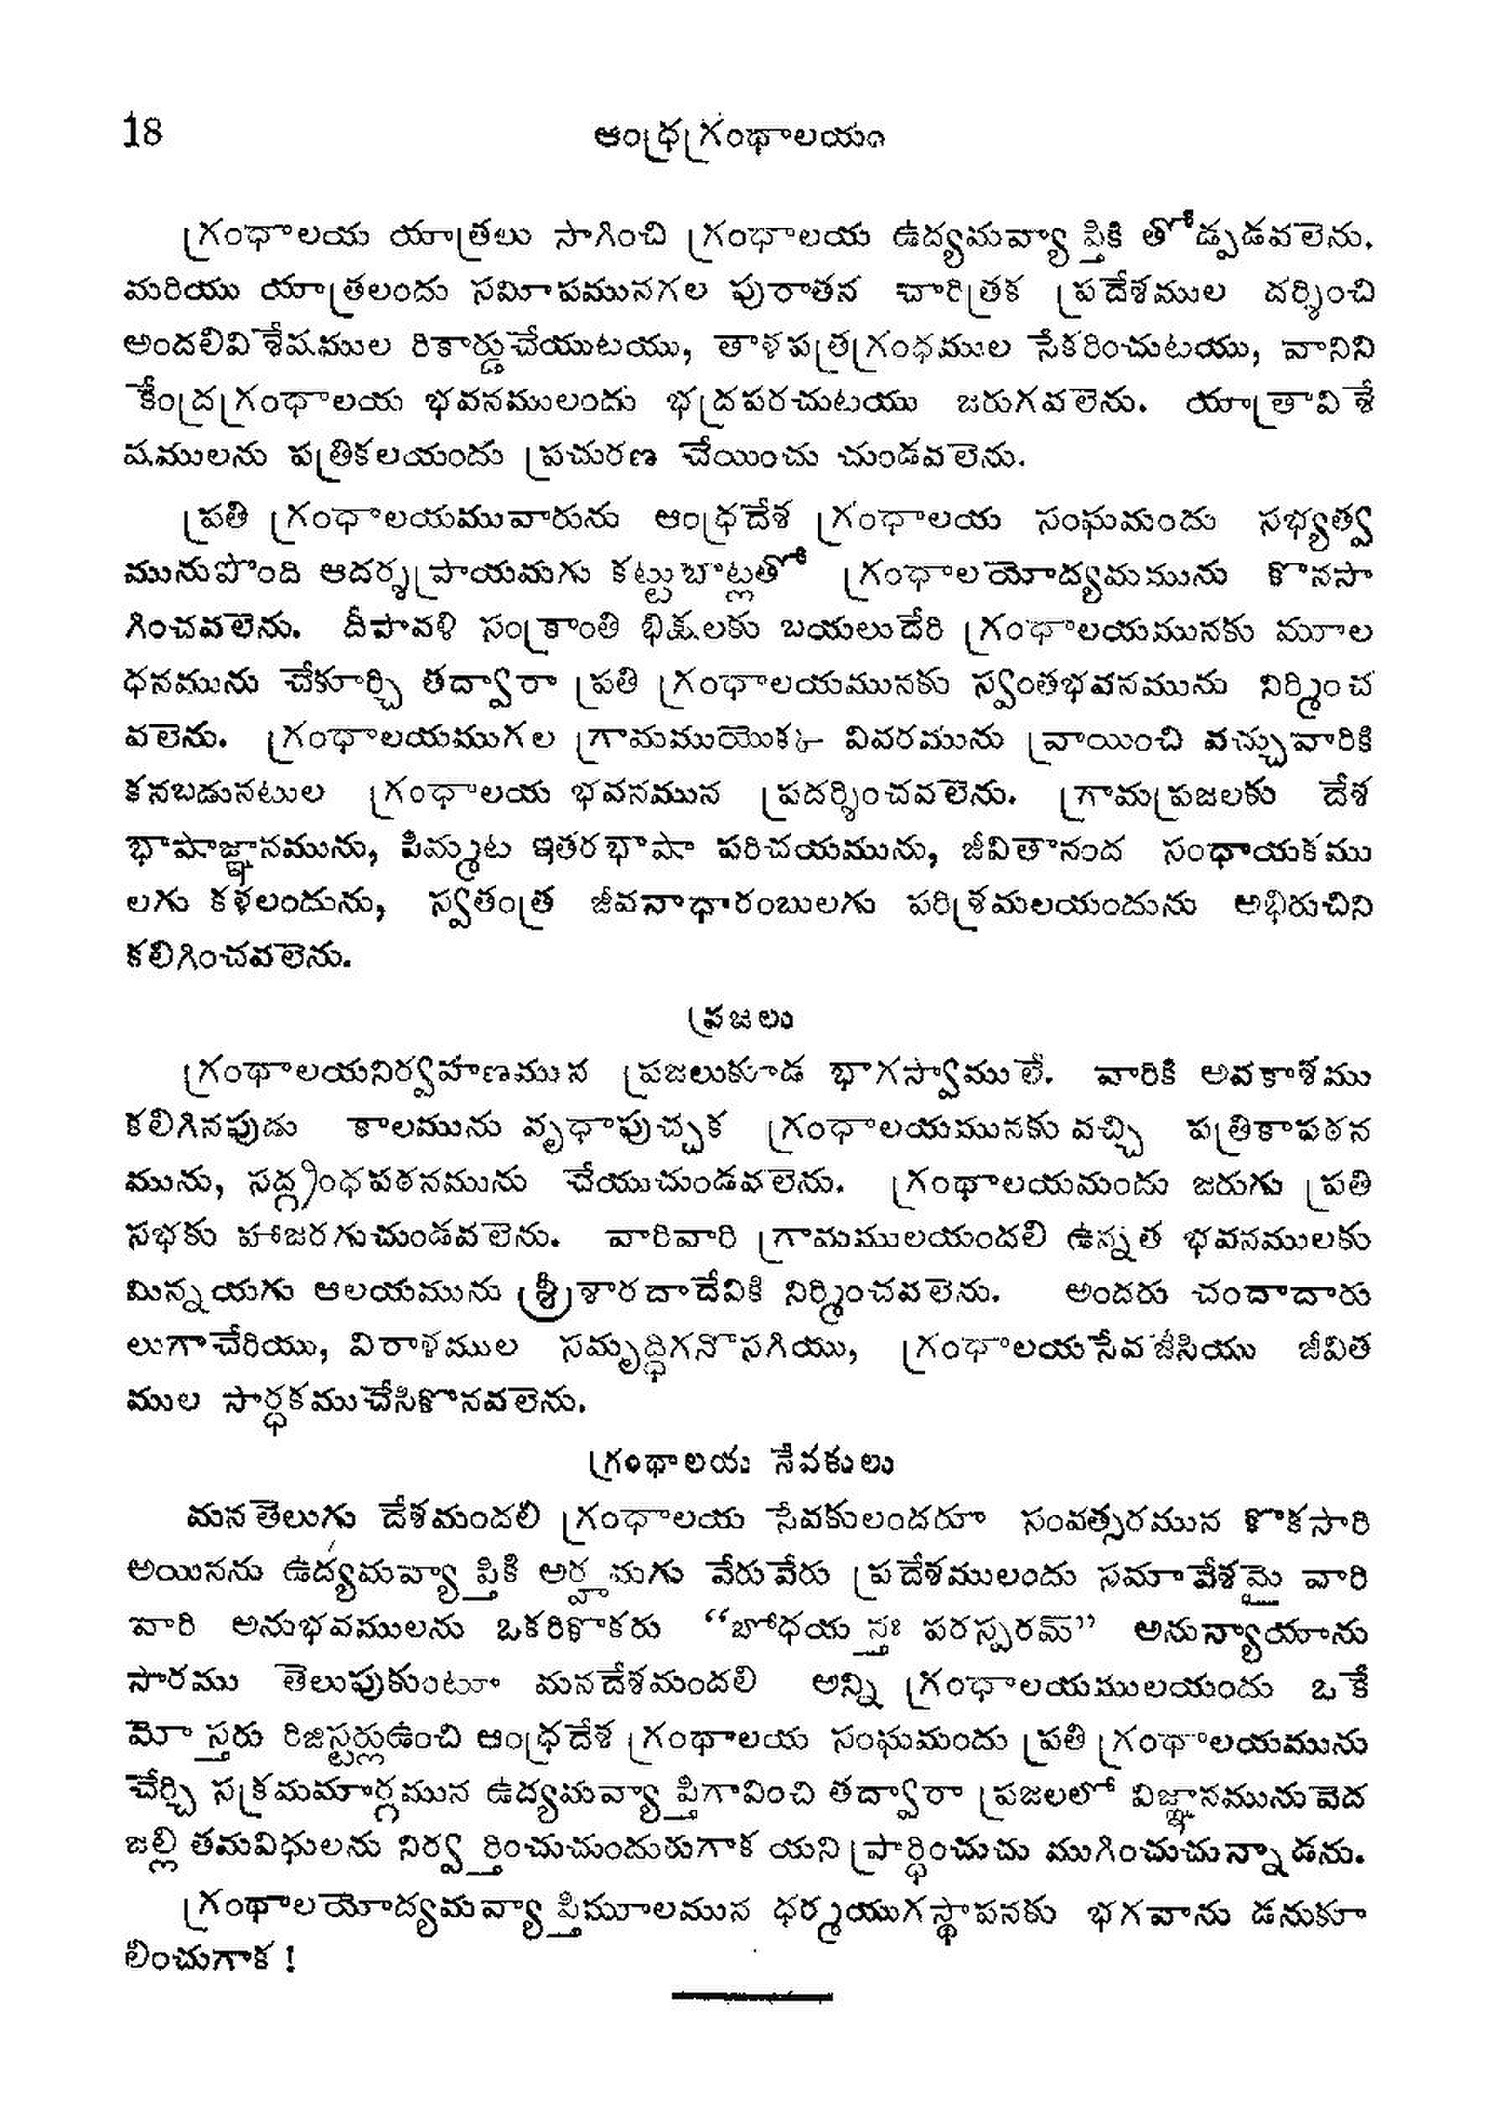గ్రంథాలయ యాత్రలు సాగించి గ్రంథాలయ ఉద్యమవ్యాప్తికి తోడ్పడవలెను. మరియు యాత్రలందు సమీపమునగల పురాతన 
చారిత్రక ప్రదేశములు దర్శించి అందలివి శేషముల రికార్డు చేయుటయు, తాళపత్రగ్రంధముల సేకరించుటయు, వానిని
కేంద్ర గ్రంథాలయ భవనములందు భద్రపరచుటయు జరుగవలెను. యాత్రావిశేషములను పత్రికలయందు ప్రచురణ చేయించు చుండవలెను.

ప్రతి గ్రంధాలయమువారును ఆంధ్రదేశ గ్రంధాలయ సంఘమందు సభ్యత్వమునుపొంది ఆదర్శప్రాయమగు కట్టుబాట్లతో గ్రంధాలయోద్యమమును కొనసాగించవలెను. దీపావళి సంక్రాంతి భిక్షులకు బయలుదేరి గ్రంథాలయమునకు మూల ధనమును 
చేకూర్చి తద్వారా ప్రతి గ్రంథాలయమునకు స్వంతభవనమును నిర్మించవలెను. గ్రంధాలయముగల గ్రామముయొక్క వివరమును 
వ్రాయించి వచ్చు వారికి కనబడునటులు గ్రంధాలయ భవనమున ప్రదర్శించవలెను. గ్రామప్రజలకు దేశభాషాజ్ఞానమును, పిమ్మట 
ఇతర భాషా పరిచయమును, జీవితానంద సంధాయకములగు కళలందును, స్వతంత్ర జీవనాధారంబులగు పరిశ్రమలయందును
అభిరుచిని కలిగించవలెను.

గ్రంథాలయనిర్వహణమున ప్రజలు కూడ భాగస్వాములే. వారికి అవకాశము కలిగినపుడు కాలమును వృధాపుచ్చక గ్రంధాలయమునకు 
వచ్చి పత్రికాపఠనమును, సద్గ్రంధపఠనమును చేయుచుండవలెను. గ్రంథాలయమందు జరుగు ప్రతి సభకు హాజరగుచుండవలెను. వారివారి గ్రామములయందలి ఉన్నత భవనములకు మిన్నయగు ఆలయమును శ్రీశారదాదేవికి నిర్మించవలెను. అందరు చందాదారు
లుగా చేరియు, విరాళములు సమృద్ధిగ నొసగియు, గ్రంథాలయ సేవజేసియు జీవితముల సార్ధకము చేసికొనవలెను.

మన తెలుగు దేశమందలి గ్రంధాలయ సేవకులందరూ సంవత్సరమున కొకసారి అయినను ఉద్యమవ్యాప్తికి అర్హమగు వేరు వేరు ప్రదేశములందు సమావేశమై వారి వారి అనుభవములను ఒకరికొకరు “బోధయ స్తః పరస్పరమ్" అను న్యాయానుసారము 
తెలుపుకుంటూ మనదేశమందలి అన్ని గ్రంథాలయములయందు ఒకే మోస్తరు రిజిస్టర్లు ఉంచి ఆంధ్రదేశ గ్రంథాలయ సంఘమందు 
ప్రతి గ్రంథాలయమును చేర్చి సక్రమమార్గమున ఉద్యమవ్యాప్తిగావించి తద్వారా ప్రజలలో విజ్ఞానమును వెదజల్లి తమవిధులను నిర్వర్తించుచుందురుగాక యని ప్రార్ధించుచు ముగించుచున్నాడను.

గ్రంథాలయోద్యమవ్యాప్తిమూలమున ధర్మయుగస్థాపనకు భగవాను డనుకూలించుగాక !